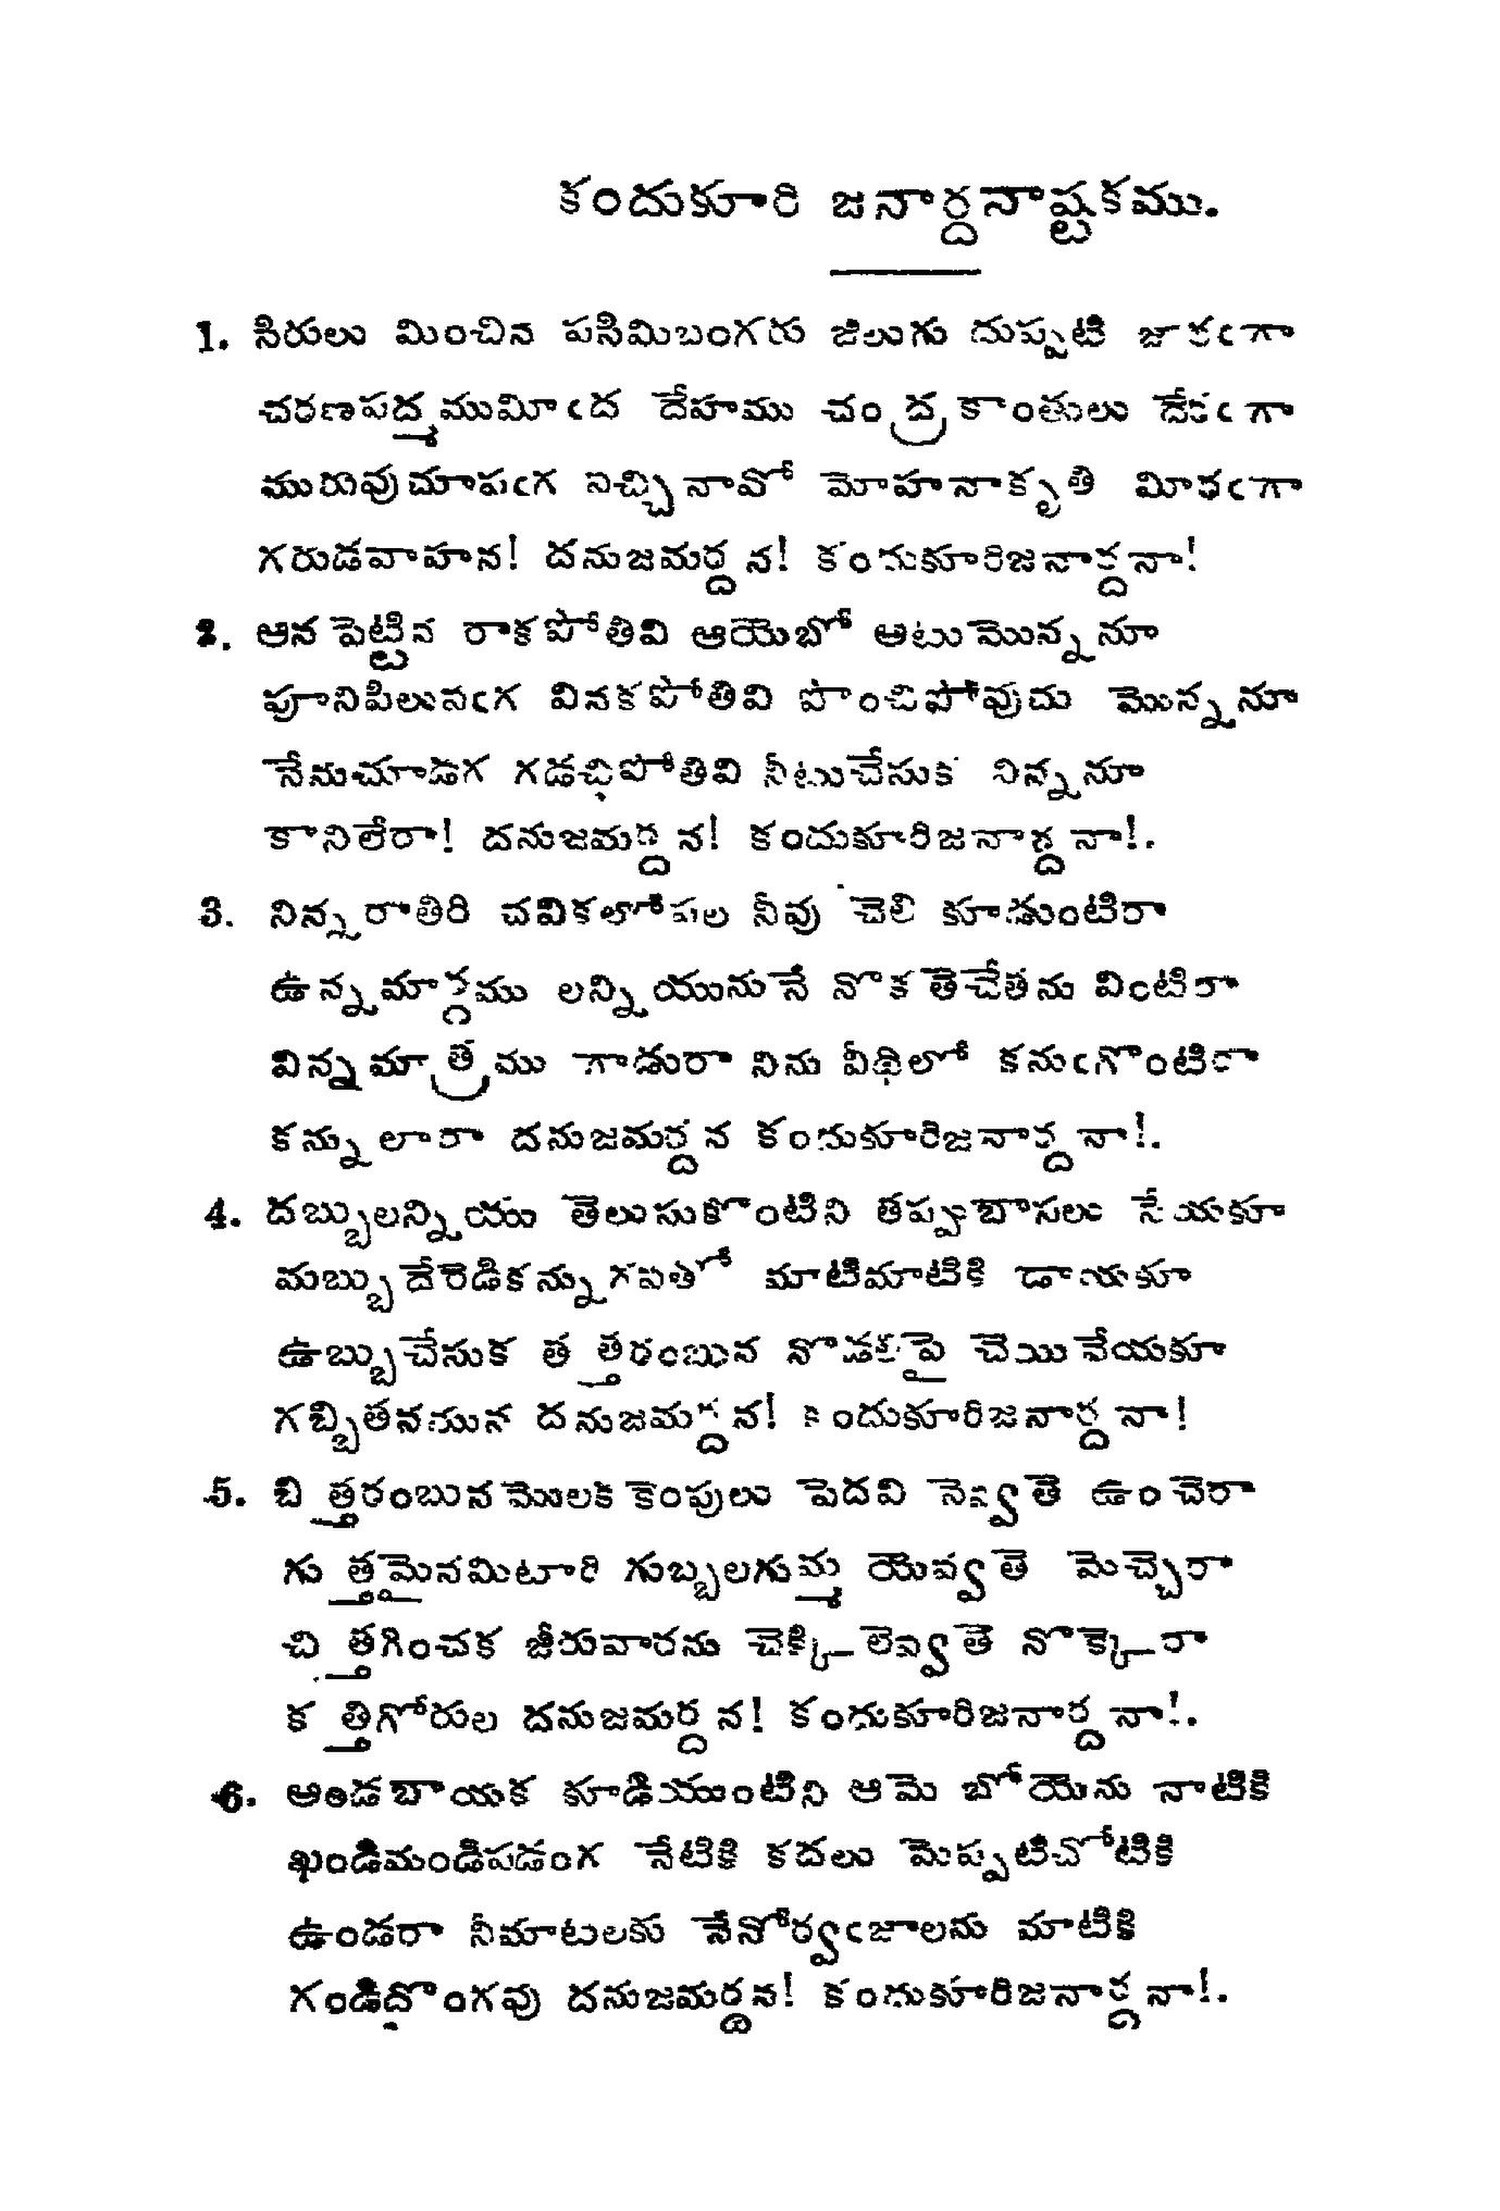1. సిరులు మించిన పసిమిబంగరు జిలుగుదుప్పటి జాఱఁగాఁ
 జరణపద్మముమీఁద, దేహము చంద్రకాంతులు దేరఁగా
 మురువుచూపఁగ వచ్చినావో మోహనాకృతి మీఱఁగా
 గరుడవాహన! దనుజమర్దన! కందుకూరి జనార్దనా!
2. ఆనపెట్టిన రాకపోతివి ఆయెఁబో అటుమొన్ననూ
 పూని పిలువఁగ వినకపోతివి పొంచిపోవుచు మొన్ననూ
 నేను చూడఁగఁ గడచిపోతివి నీటుచేసుక నిన్ననూ
 కానిలేరా, దనుజమర్దన! కందుకూరి జనార్దనా!
3. నిన్నరాతిరి చవికెలోపల నీవుచెలి కూడుంటిరా
 ఉన్నమార్గము లన్నియును నే నొకతెచేతను వింటిరా
 విన్నమాత్రము కాదురా నిను వీధిలోఁగనుగొంటిరా
 కన్నులారా, దనుజమర్దన! కందుకూరి జనార్దనా!
4. దబ్బు లన్నియుఁ దెలిసికొంటిని తప్పుబాసలు సేయకూ
 మబ్బుదేరెడి కన్నుగవతో మాటిమాటికి డాయకూ
 ఉబ్బుచేసుక తత్తఱంబున నొడలిపైఁ జెయివేయకూ
 గబ్బితనమున, దనుజమర్దన! కందుకూరి జనార్దనా!
5. బిత్తరంబున మొలకకెంపులు పెదవి నెవ్వతె ఉంచెరా
 గుత్తమైనమిటారిగుబ్బలగుమ్మ యెవ్వతె మెచ్చెరా
 చిత్తగించక జీరువారను చెక్కి లెవ్వతె నొక్కెరా
 కత్తిగోరుల, దనుజమర్దన! కందుకూరి జనార్దనా!
6. అండబాయక కూడియుంటిమి ఆయెఁబోయెను నాఁటికి
 ఖండిమండిపడంగ నేటికి? కదలు మెప్పటిచోటికి
 ఉండరా నీమాటలకు నే నోర్వఁజాలను మాటికి
 గండిదొంగవు దనుజమర్దన! కందుకూరి జనార్దనా!